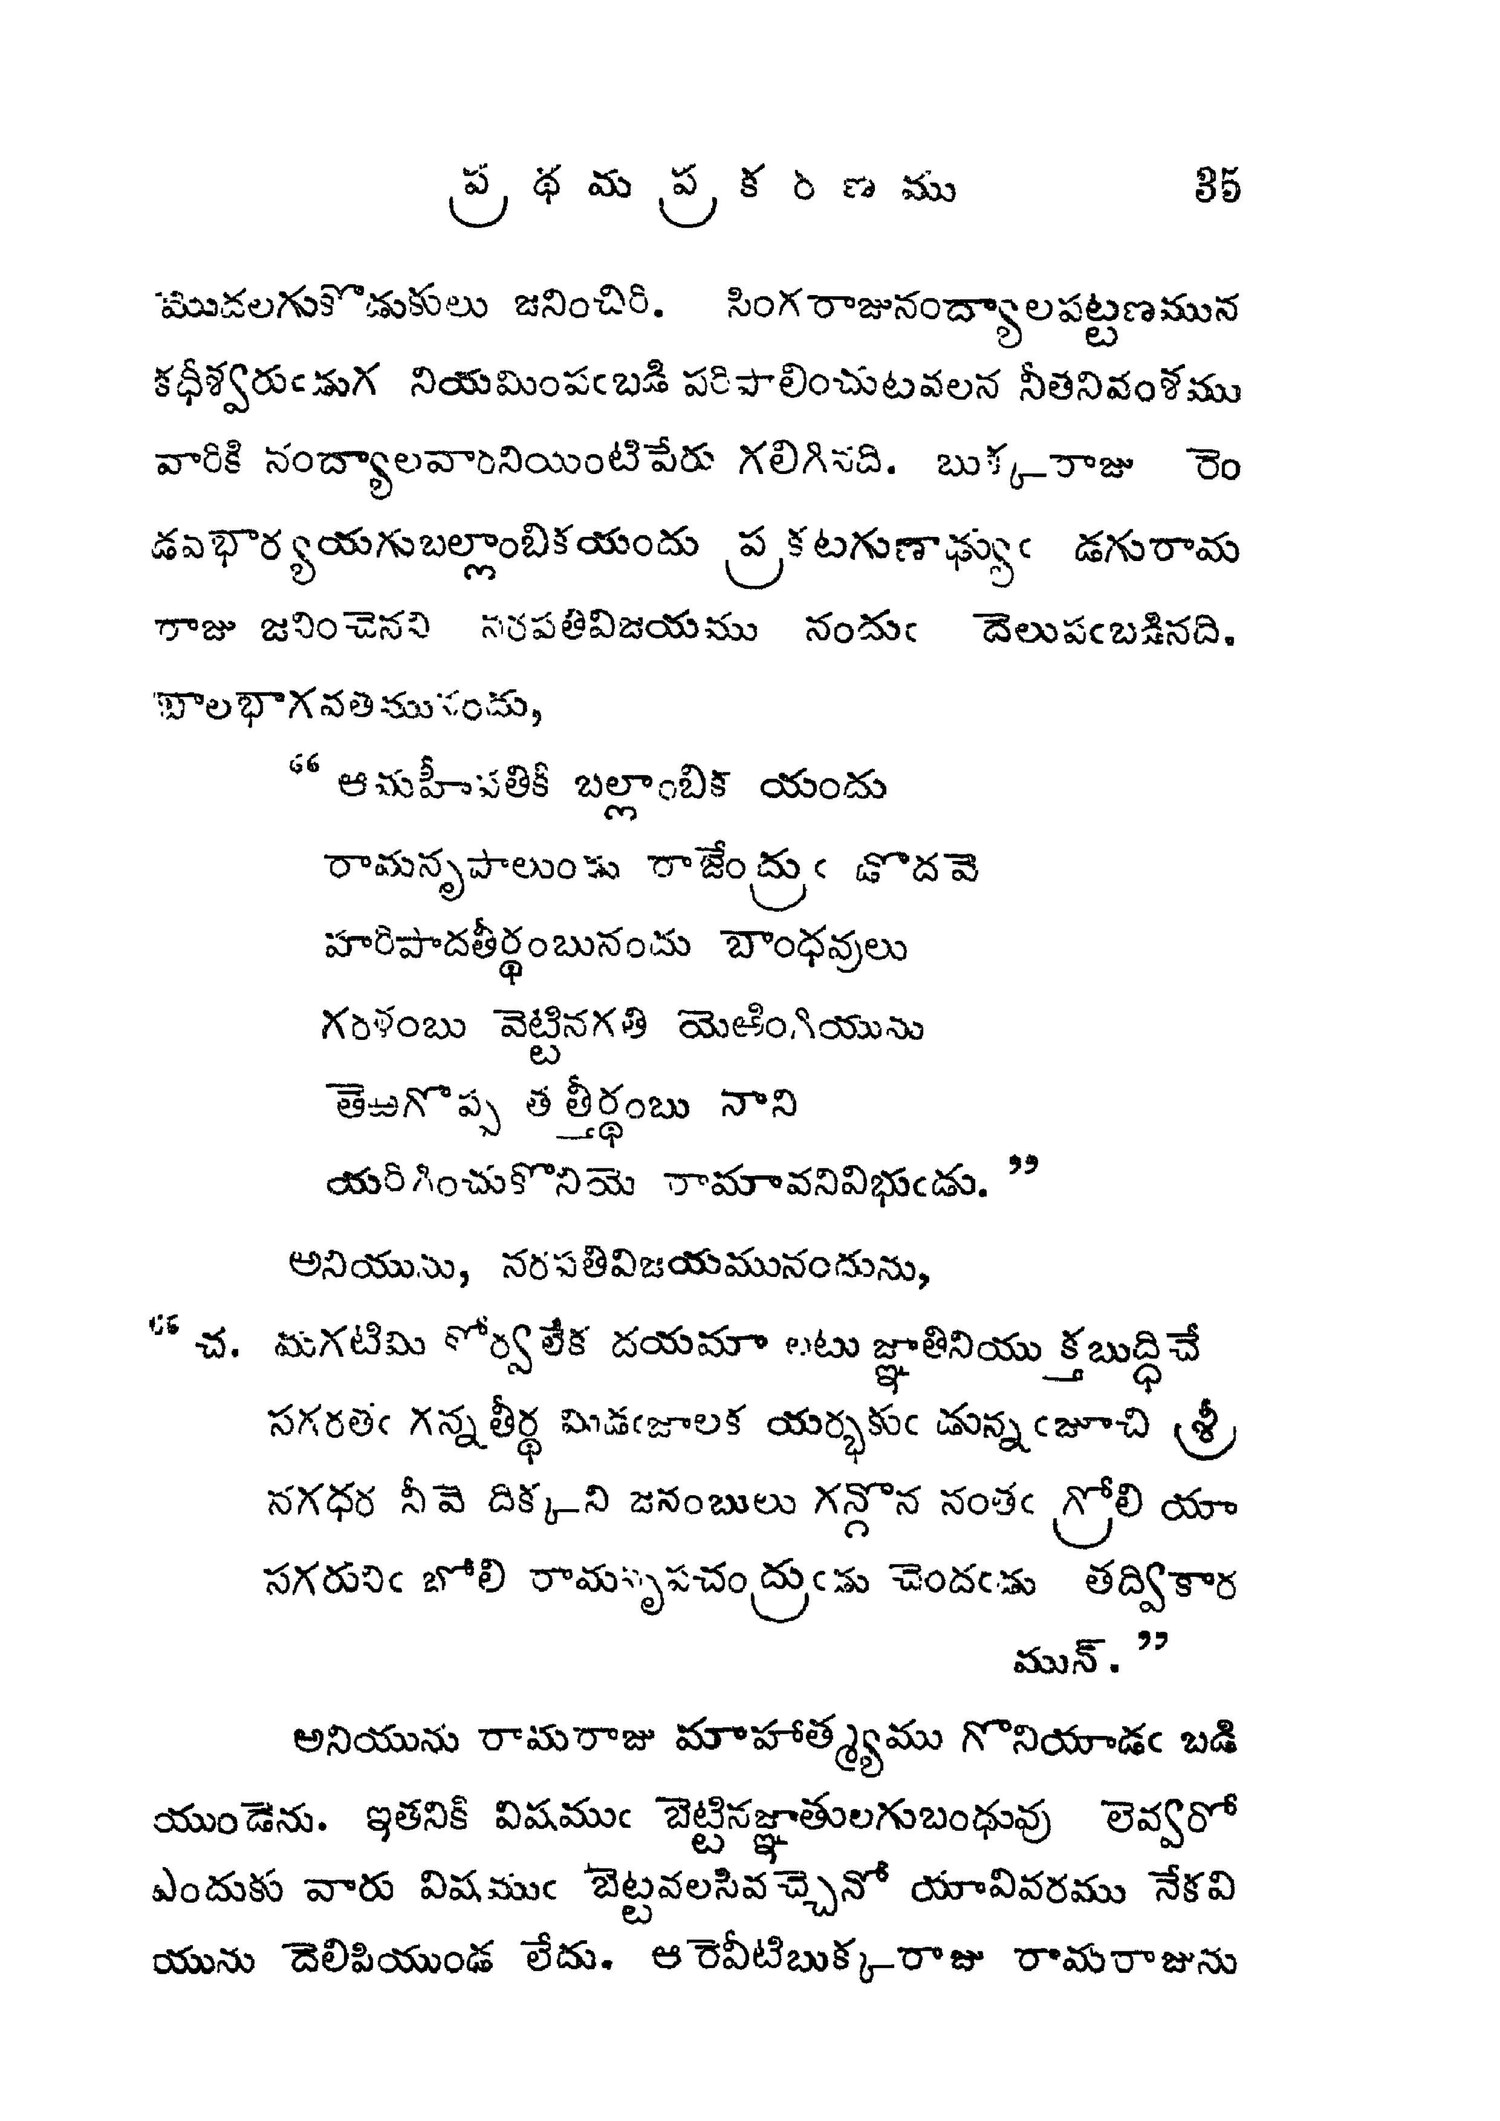మొదలగుకొడుకులు జనించిరి. సింగరాజునంద్యాలపట్టణమున కధీశ్వరుడుగ నియమింపబడి పరిపాలించుటవలన నీతనివంశము వారికి నంద్యాలవారనియింటిపేరు గలిగినది. బుక్కరాజు రెండవభార్యయగుబల్లాంబికయందు ప్రకటగుణాడ్యు డగురామరాజు జనించెనని నరపతివిజయము నందు దెలుపబడినది. బాలభాగవతమునందు,

 "ఆమహీపతికి బల్లాంబిక యందు
 రామనృపాలుండు రాజేంద్రు డొదవె
 హరిపాదతీర్థంబునందు బాంధవులు
 గరళంబు వెట్టినగతి యెఱింగియును
 తెఱగొప్ప తత్తీర్థంబు నాని
 యరిగించుకొనియె రామావనివిభుడు."

 అనియును, నరపతివిజయమునందును,

 "చ. మగటిమి కోర్వలేక దయమా లటుజ్ఞాతినియుక్తబుద్ధిచే
 సగరత గన్నతీర్థ మిడజాలక యర్భకు డున్నజూచి శ్రీ
 నగధర నీవె దిక్కని జనంబులు గన్గొన నంత గ్రోలి యా
 సగరుని బోలి రామనృపచంద్రుడు చెందడు తద్వికారమున్."

అనియును రామరాజు మాహాత్మ్యము గొనియాడ బడియుండెను. ఇతనికి విషము బెట్టినజ్ఞాతులగుబంధువు లెవ్వరో ఎందుకు వారు విషము బెట్టవలసివచ్చెనో యావివరము నేకవియును దెలిపియుండ లేదు. ఆరెవీటిబుక్కరాజు రామరాజును